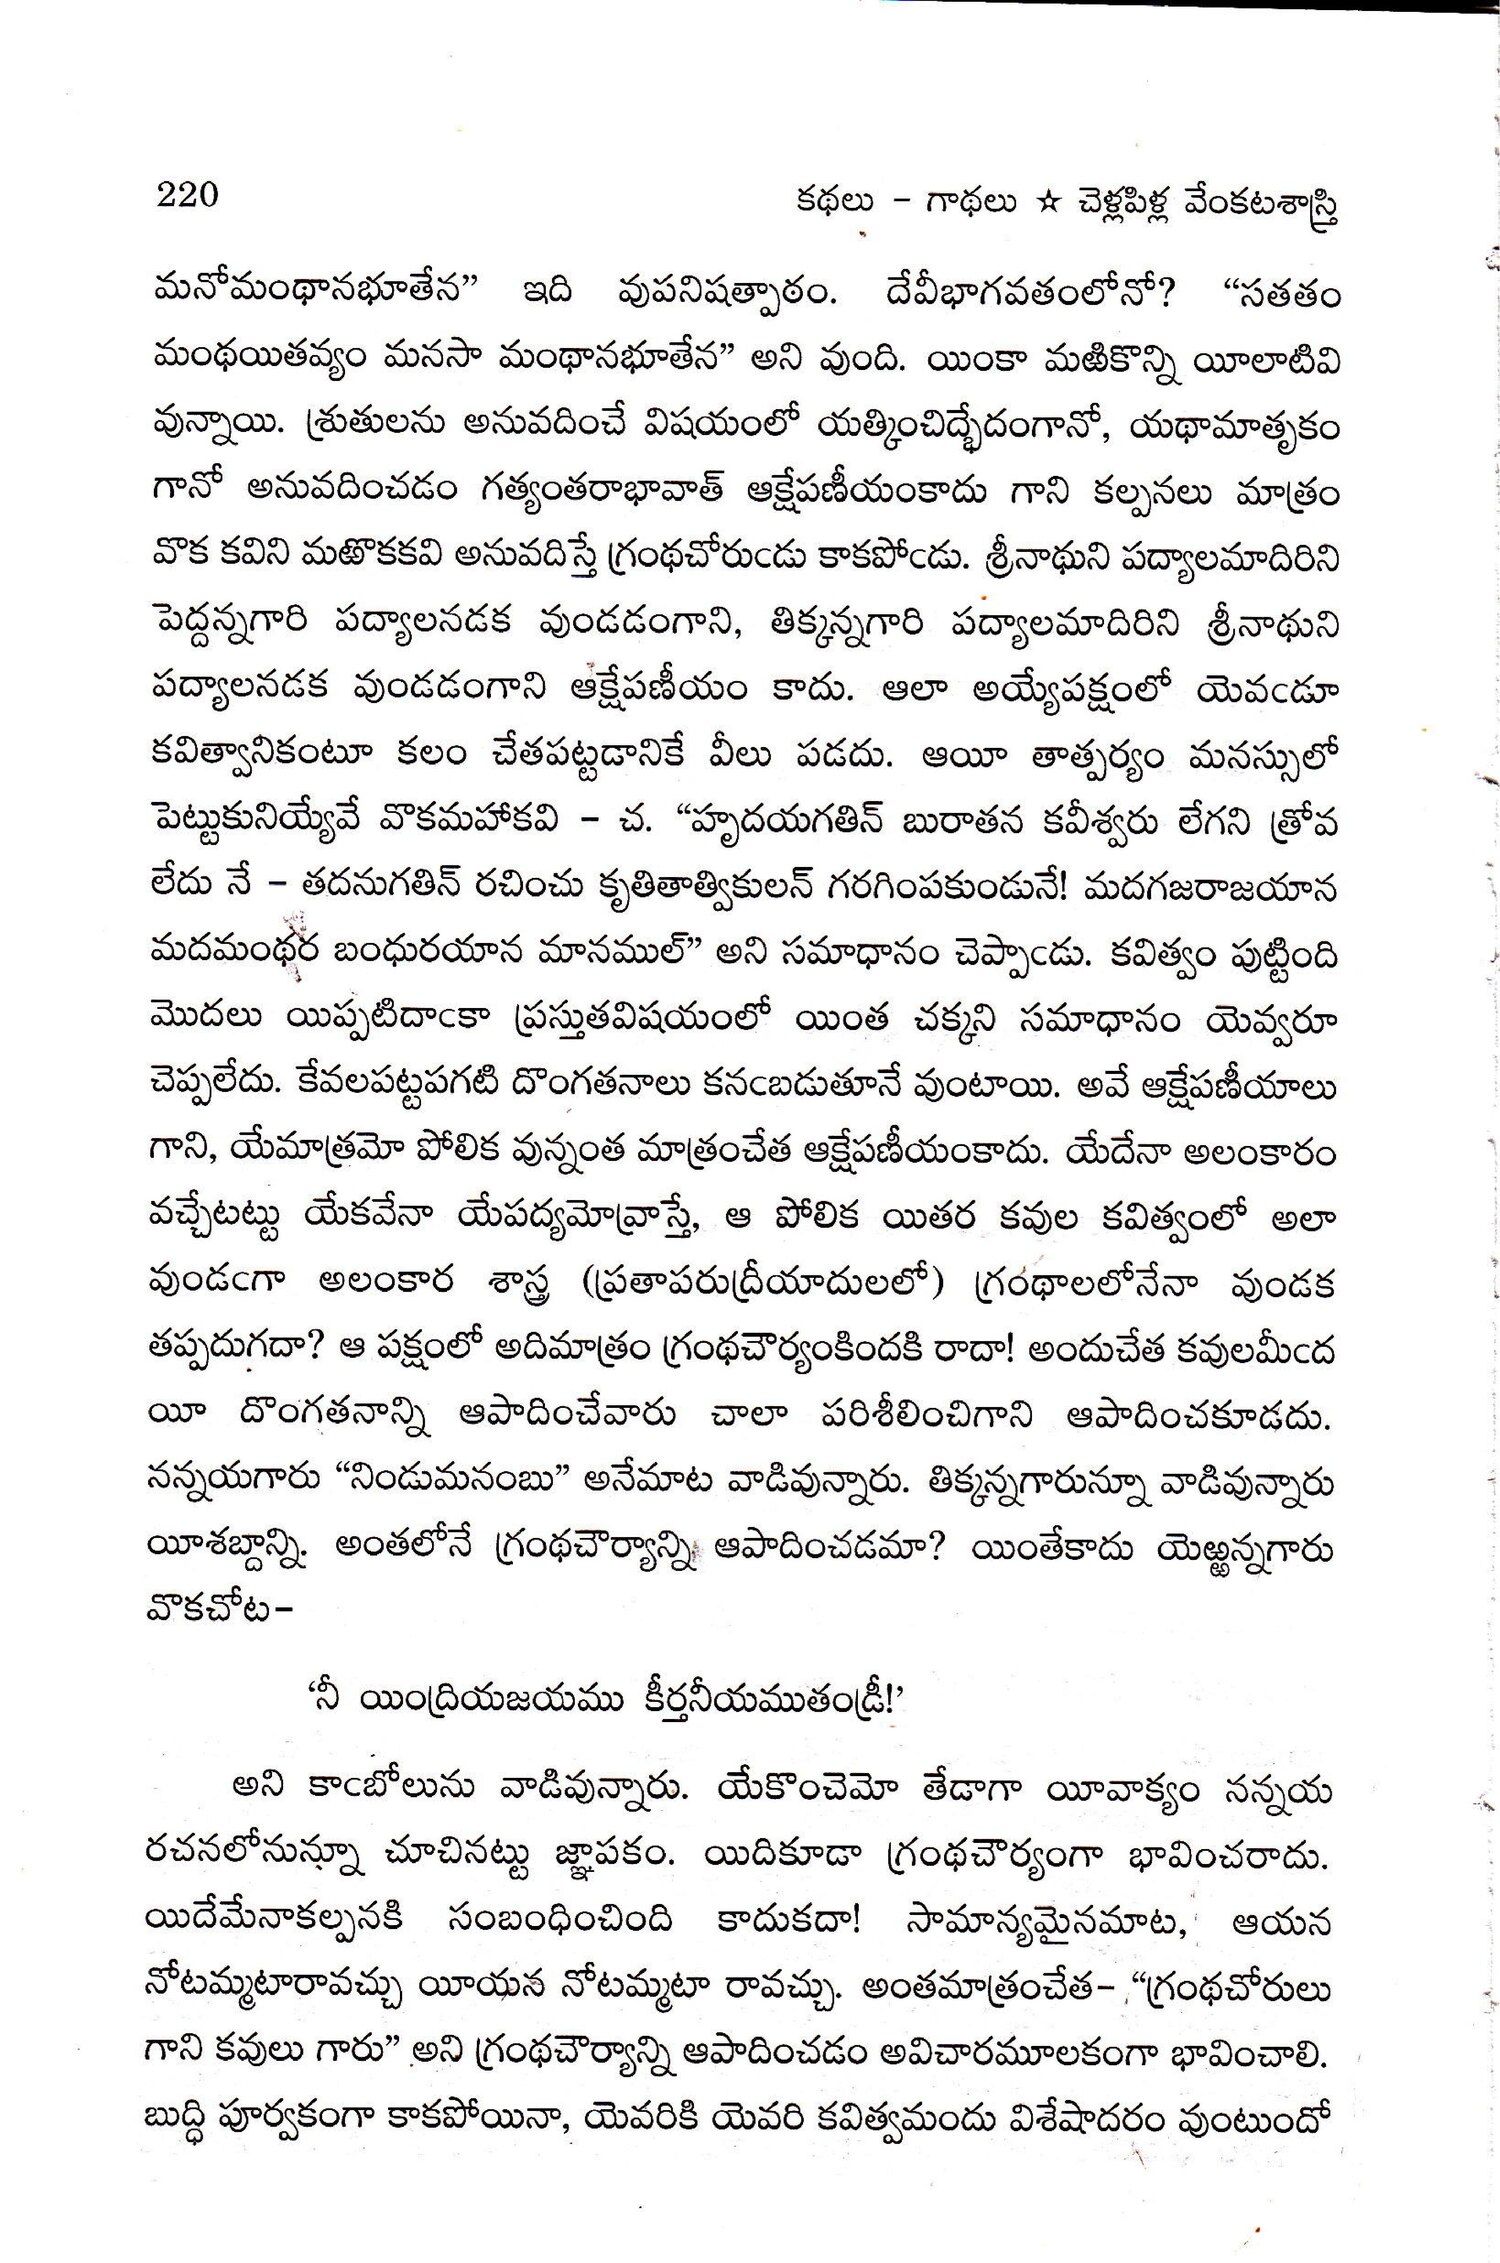మనోమంథానభూతేన” ఇది వుపనిషత్పాఠం. దేవీభాగవతంలోనో? “సతతం మంథయితవ్యం మనసా మంథానభూతేన" అని వుంది. యింకా మఱికొన్ని యీలాటివి వున్నాయి. శ్రుతులను అనువదించే విషయంలో యత్కించిద్భేదంగానో, యథామాతృకం గానో అనువదించడం గత్యంతరాభావాత్ ఆక్షేపణీయంకాదు గాని కల్పనలు మాత్రం వొక కవిని మఱొకకవి అనువదిస్తే గ్రంథచోరుఁడు కాకపోఁడు. శ్రీనాథుని పద్యాలమాదిరిని పెద్దన్నగారి పద్యాలనడక వుండడంగాని, తిక్కన్నగారి పద్యాలమాదిరిని శ్రీనాథుని పద్యాలనడక వుండడంగాని ఆక్షేపణీయం కాదు. ఆలా అయ్యేపక్షంలో యెవఁడూ కవిత్వానికంటూ కలం చేతపట్టడానికే వీలు పడదు. ఆయినా తాత్పర్యం మనస్సులో పెట్టుకునియ్యేవే వొకమహాకవి - చ. "హృదయగతిన్ బురాతన కవీశ్వరు లేగని త్రోవ లేదు నే - తదనుగతిన్ రచించు కృతితాత్వికులన్ గరగింపకుండునే! మదగజరాజయాన మదమంథర బంధురయాన మానముల్" అని సమాధానం చెప్పాఁడు. కవిత్వం పుట్టింది మొదలు యిప్పటిదాఁకా ప్రస్తుతవిషయంలో యింత చక్కని సమాధానం యెవ్వరూ చెప్పలేదు. కేవలపట్టపగటి దొంగతనాలు కనcబడుతూనే వుంటాయి. అవే ఆక్షేపణీయాలు గాని, యేమాత్రమో పోలిక వన్నంత మాత్రంచేత ఆక్షేపణీయంకాదు. యేదేనా అలంకారం వచ్చేటట్టు యేకవేనా యేపద్యమోవ్రాస్తే, ఆ పోలిక యితర కవుల కవిత్వంలో అలా వుండఁగా అలంకార శాస్త్ర (ప్రతాపరుద్రీయాదులలో) గ్రంథాలలోనేనా వుండక తప్పదుగదా? ఆ పక్షంలో అదిమాత్రం గ్రంథచౌర్యంకిందకి రాదా! అందుచేత కవులమీఁద యీ దొంగతనాన్ని ఆపాదించేవారు చాలా పరిశీలించిగాని ఆపాదించకూడదు. నన్నయగారు "నిండుమనంబు" అనేమాట వాడివున్నారు. తిక్కన్నగారున్నూ వాడివున్నారు యీశబ్దాన్ని అంతలోనే గ్రంథచౌర్యాన్ని ఆపాదించడమా? యింతేకాదు యెఱ్ఱన్నగారు వొకచోట

'నీ యింద్రియజయము కీర్తనీయముతండ్రీ!'
అని కాఁబోలును వాడివున్నారు. యేకొంచెమో తేడాగా యీవాక్యం నన్నయ రచనలోనున్నూ చూచినట్టు జ్ఞాపకం. యిదికూడా గ్రంథ చౌర్యంగా భావించరాదు. యిదేమేనాకల్పనకి సంబంధించింది కాదుకదా! సామాన్యమైనమాట, ఆయన నోటమ్మటారావచ్చు యీయన నోటమ్మటా రావచ్చు. అంతమాత్రంచేత- "గ్రంథచోరులు గాని కవులు గారు” అని గ్రంథచౌర్యాన్ని ఆపాదించడం అవిచారమూలకంగా భావించాలి. బుద్ధి పూర్వకంగా కాకపోయినా, యెవరికి యెవరి కవిత్వమందు విశేషాదరం వుంటుందో